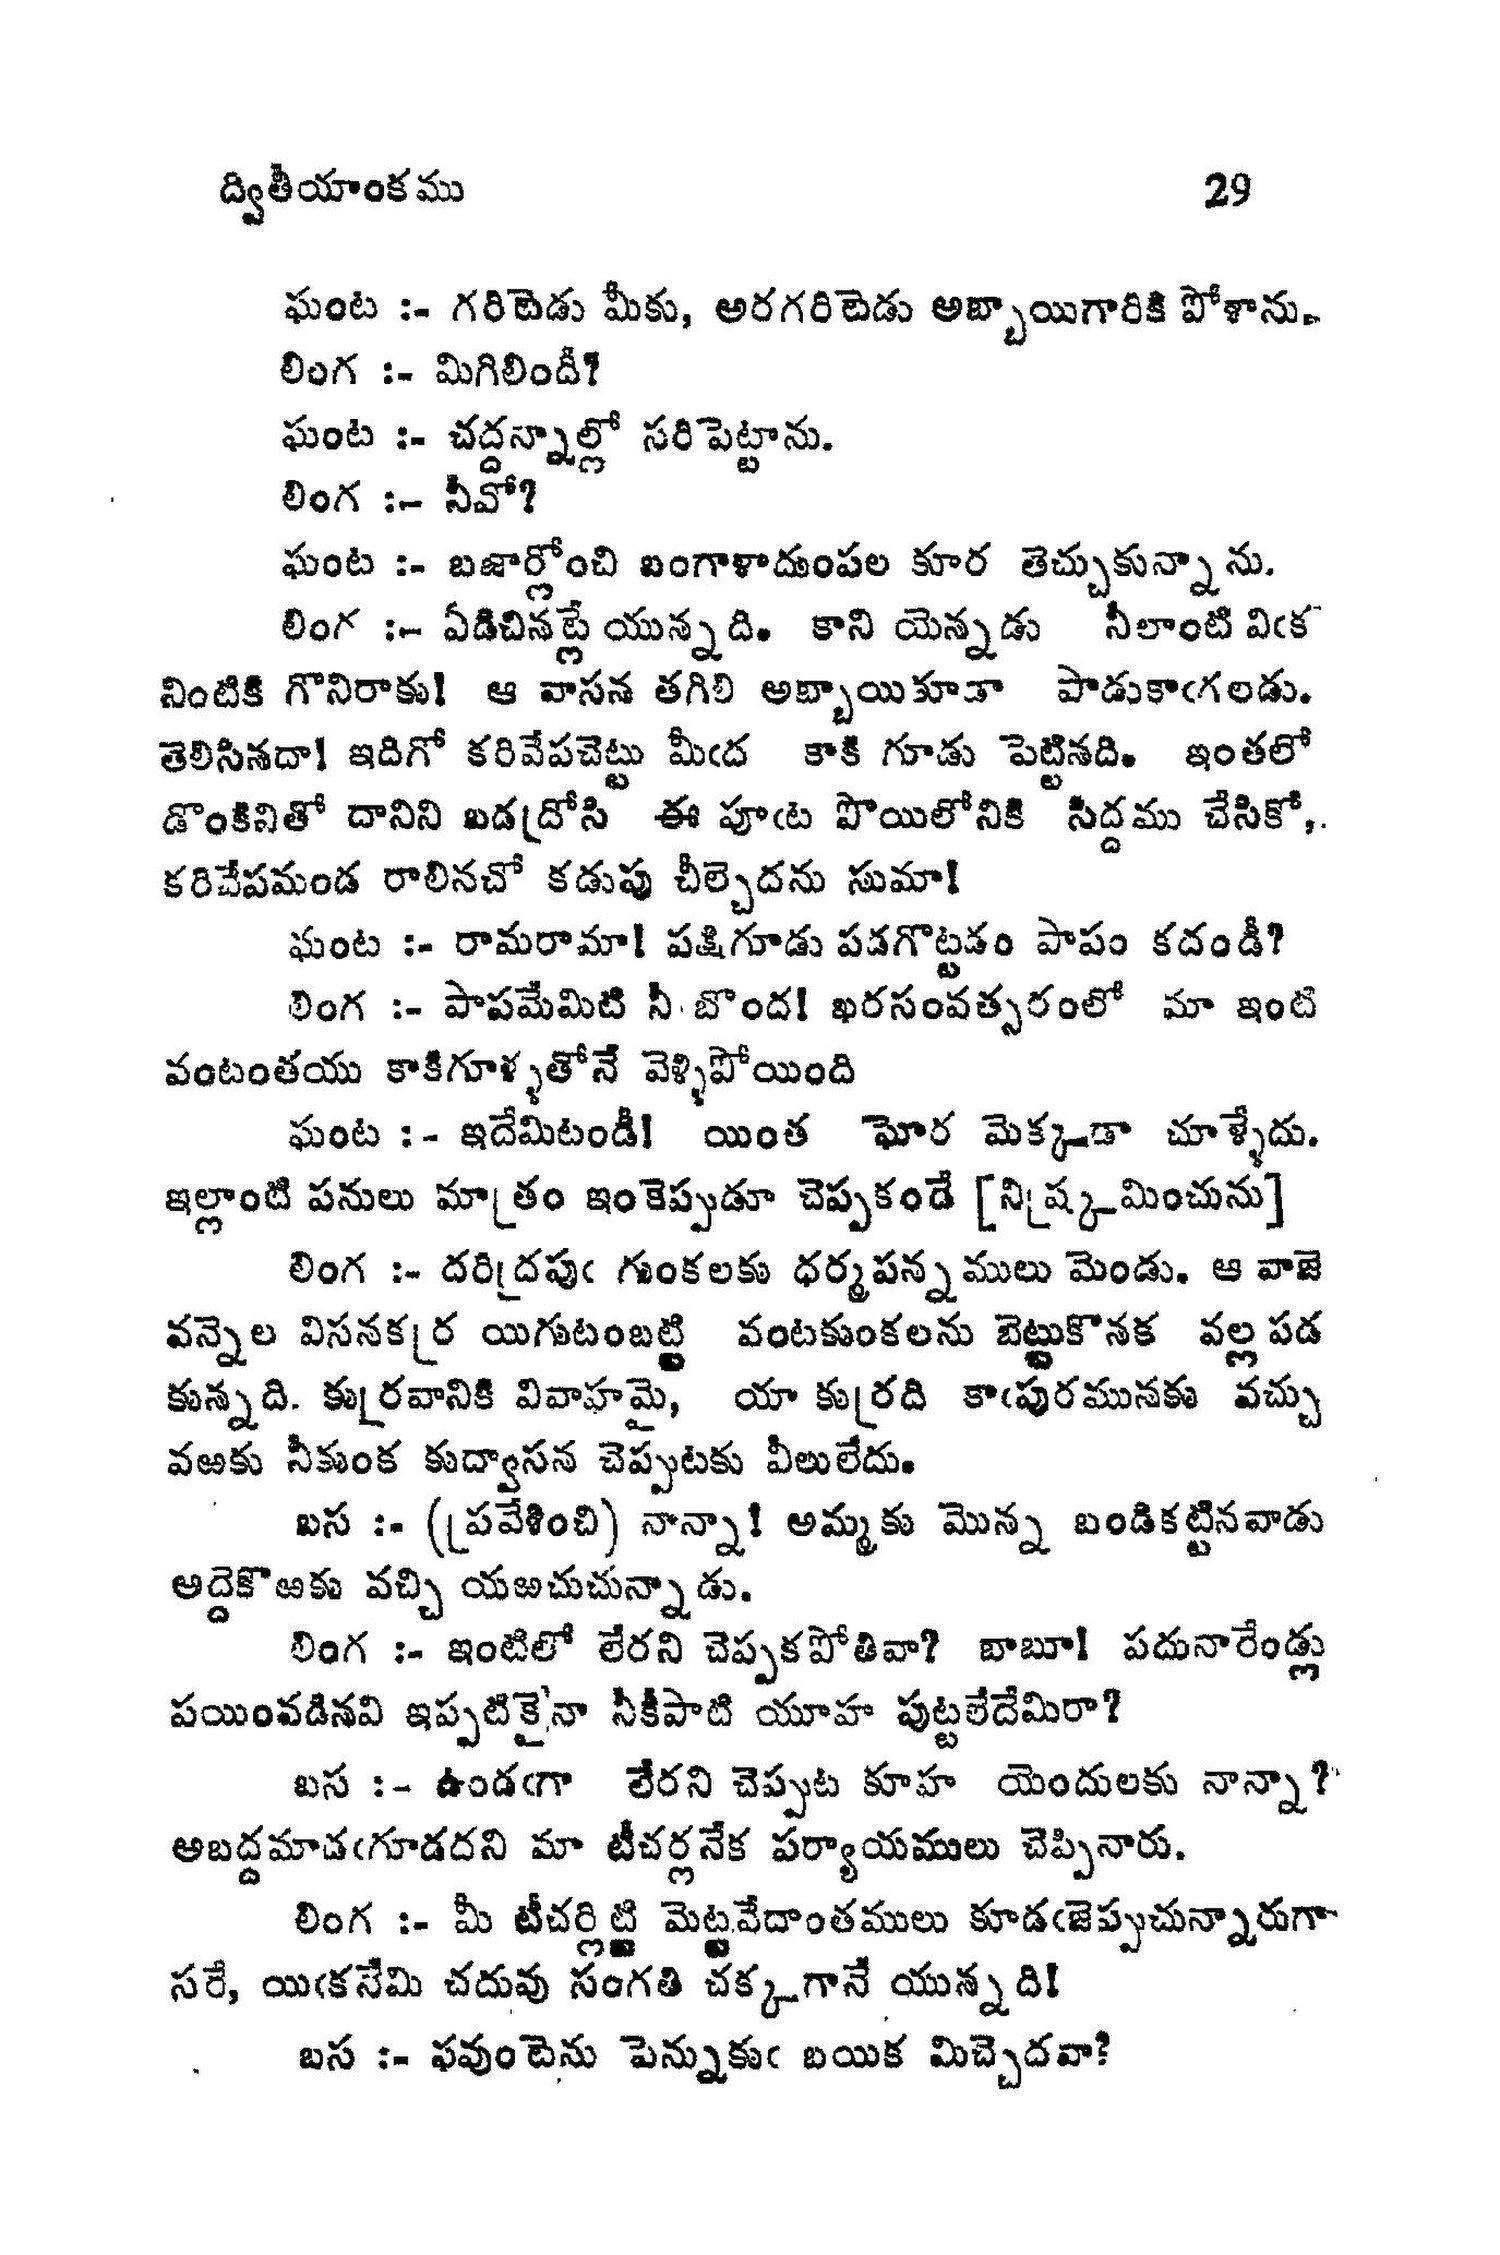ఘంట:- గరిటెడు మీకూ, అరగరిటెడు అబ్బాయిగారికి పోశాను.

లింగ:- మిగిలిందీ?

ఘంట:- చద్దన్నాల్లో సరిపెట్టాను.

లింగ:- నీవో?

ఘంట:- బజార్లోంచి బంగాళాదుంపల కూర తెచ్చుకున్నాను.

లింగ:- ఏడిచినట్లే యున్నది. కాని యెన్నడు నీలాంటి విఁక నింటికి గొనిరాకు! ఆవాసన తగిలి అబ్బాయికూడా పాడుకాఁగలడు! తెలిసినదా? ఇదిగో కరివేపచెట్టు మీఁద కాకి గూడు పెట్టినది. ఇంతలో డొంకినితో దానిని బడద్రోసి ఈ పూఁట పొయిలోనికి సిద్ధము చేసికో. కరివేపమండ రాలినచో కడుపు చీల్చెదను సుమా!

ఘంట:- రామరామా! పక్షిగూడు పడగొట్టడం పాపం కాదండీ?

లింగ:- పాప మేమిటి నీ బొంద! ఖరసంవత్సరములో మా ఇంటి వంటంతయు కాకిగూళ్ళతోనే వెళ్ళిపోయినది.

ఘంట:- ఇదేఁమిటండీ! యింత ఘోర మెక్కడా చూళ్ళేదు. ఇల్లాంటి పనులు మాత్రం ఇంకెప్పుడూ చెప్పకండే. (నిష్క్రమించును.)

లింగ:- దరిద్రపుఁ గుంకలకు ధర్మపన్నములు మెండు! ఆ వాజె వన్నెల విసనకర్ర యిగుటంబట్టి వంటకుంకలను బెట్టుకొనక వల్లపడకున్నది. కుర్రవానికి వివాహమై, యా కుర్రది కాఁపురమునకు వచ్చువఱకు నీకుంక కుద్వాసన చెప్పుటకు వీలులేదు.

బస:- (ప్రవేశించి) నాన్నా! అమ్మకు మొన్న బండికట్టినవాడు అద్దెకొఱకు వచ్చి యఱచుచున్నాడు.

లింగ:- ఇంటిలో లేరని చెప్పకపోతివా? బాబూ! పదునారేండ్లు పయింపడినవి ఇప్పటికైన నీకీపాటి యూహ పుట్టలేదేమిరా?

బస:- ఉండఁగా లేరని చెప్పుట కూహ యెందులకు నాన్నా? అబద్ధమాడఁగూడదని మా టీచర్లనేక పర్యాయములు చెప్పినారు.

లింగ: -మీ టీచర్లిట్టి మెట్టవేదాంతములు కూడఁజెప్పుచున్నారుగా? సరే, యిఁకనేమి చదువు సంగతి చక్కగానే యున్నది!

బస:- ఫవుంటెను పెన్నుకుఁ బయిక మిచ్చెదవా?